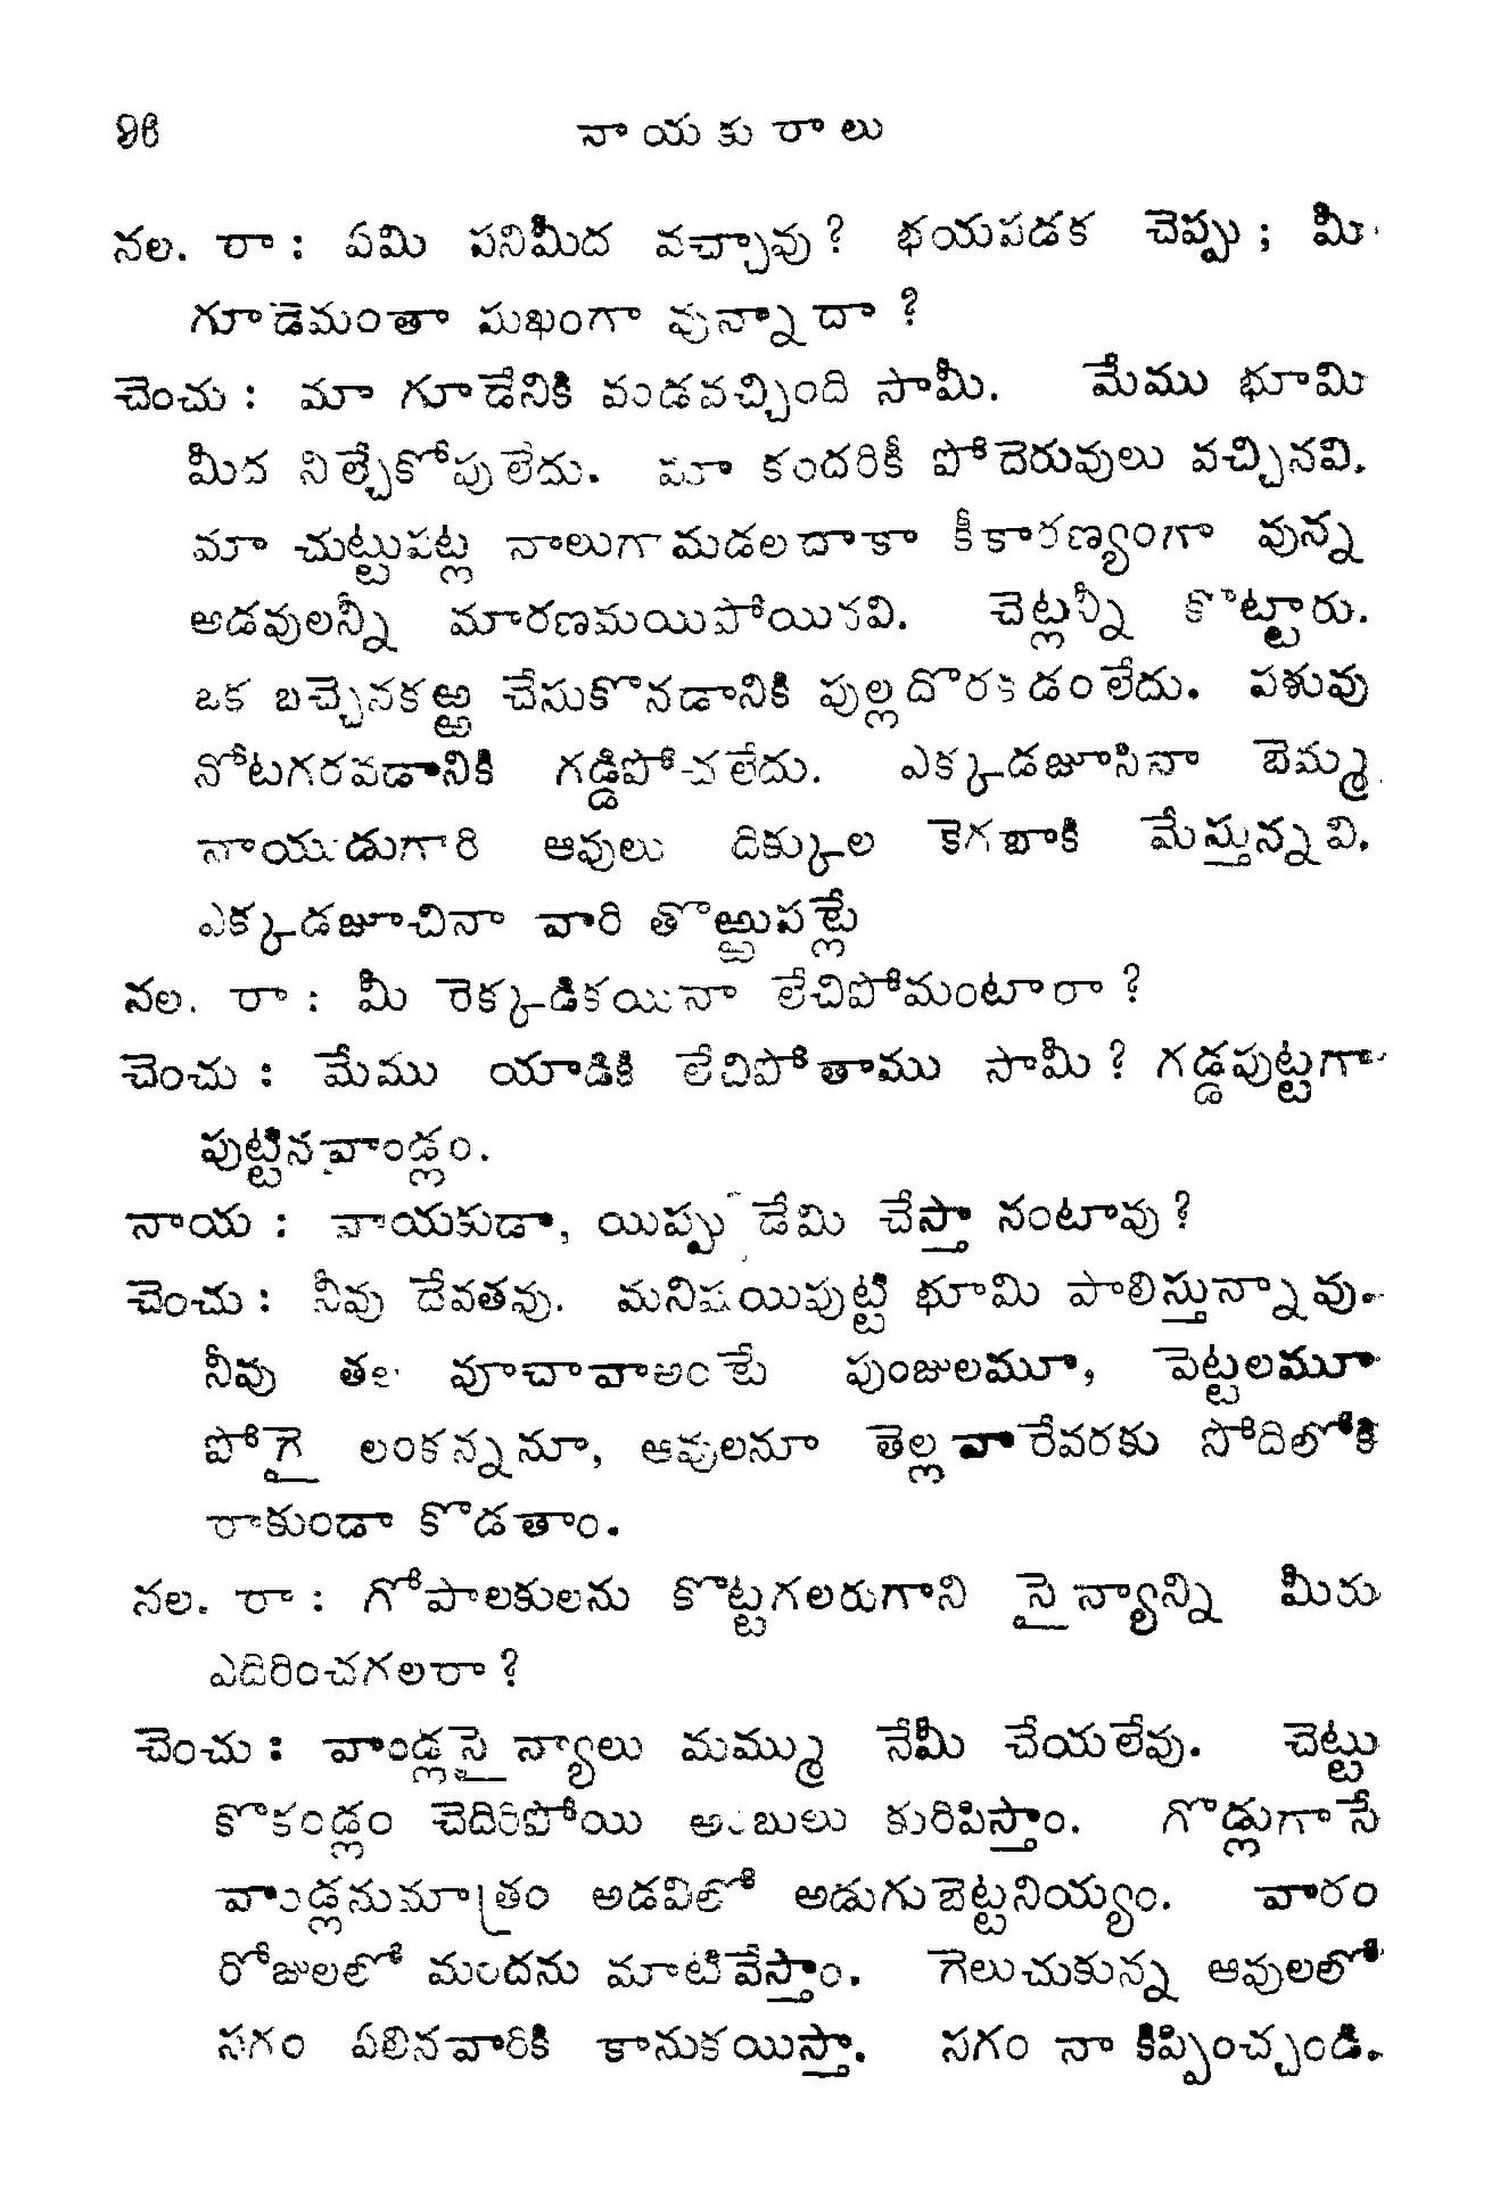నల. రా : ఏమి పనిమీద వచ్చావు ? భయపడక చెప్పు ; మీ గూడెమంతా సుఖంగా వున్నా దా?

చెంచు : మా గూడేనికి వండవచ్చింది సామీ. మేము భూమి మీద నిల్చేకోపులేదు. మా కందరికీ పోదెరువులు వచ్చినవి. మా చుట్టుపట్ల నాలుగామడలదాకా కీకారణ్యంగా వున్న అడవులన్నీ మారణమయిపోయినవి. చెట్లన్నీ కొట్టారు. ఒక బచ్చెనకఱ్ఱ చేసుకొనడానికి పుల్లదొరకడం లేదు. పశువు
నోటగరవడానికి గడ్డిపోచలేదు. ఎక్కడజూసినా బెమ్మనాయుడుగారి ఆవులు దిక్కుల కెగబాకి మేస్తున్నవి. ఎక్కడ జూచినా వారి తొఱ్ఱుపట్లే

నల. రా : మీ రెక్కడికయినా లేచిపోమంటారా?

చెంచు : మేము యాడికి లేచిపోతాము సామీ ? గడ్డపుట్టగా పుట్టినవాండ్లం.

నాయ : నాయకుడా, యిప్పు డేమి చేస్తా నంటావు ?

చెంచు : నీవు దేవతవు. మనిషయిపుట్టి భూమి పాలిస్తున్నావు. నీవు తల వూచావాఅంటే
పుంజులమూ, పెట్టలమూ పోగై లంకన్ననూ, ఆవులనూ తెల్లవారేవరకు సోదిలోకి రాకుండా కొడతాం.

నల. రా : గోపాలకులను కొట్టగలరుగాని సైన్యాన్ని మీరు ఎదిరించగలరా?

చెంచు : వాండ్ల సైన్యాలు మమ్ము నేమీ చేయలేవు. చెట్టు కొకండ్లం చెదిరిపోయి అంబులు కురిపిస్తాం.
గొడ్లుగాసే వాండ్లనుమాత్రం అడవిలో అడుగుబెట్టనియ్యం. వారం రోజులలో మందను మాటివేస్తాం. గెలుచుకున్న ఆవులలో సగం ఏలినవారికి కానుకయిస్తా. సగం నా కిప్పించ్చండి.